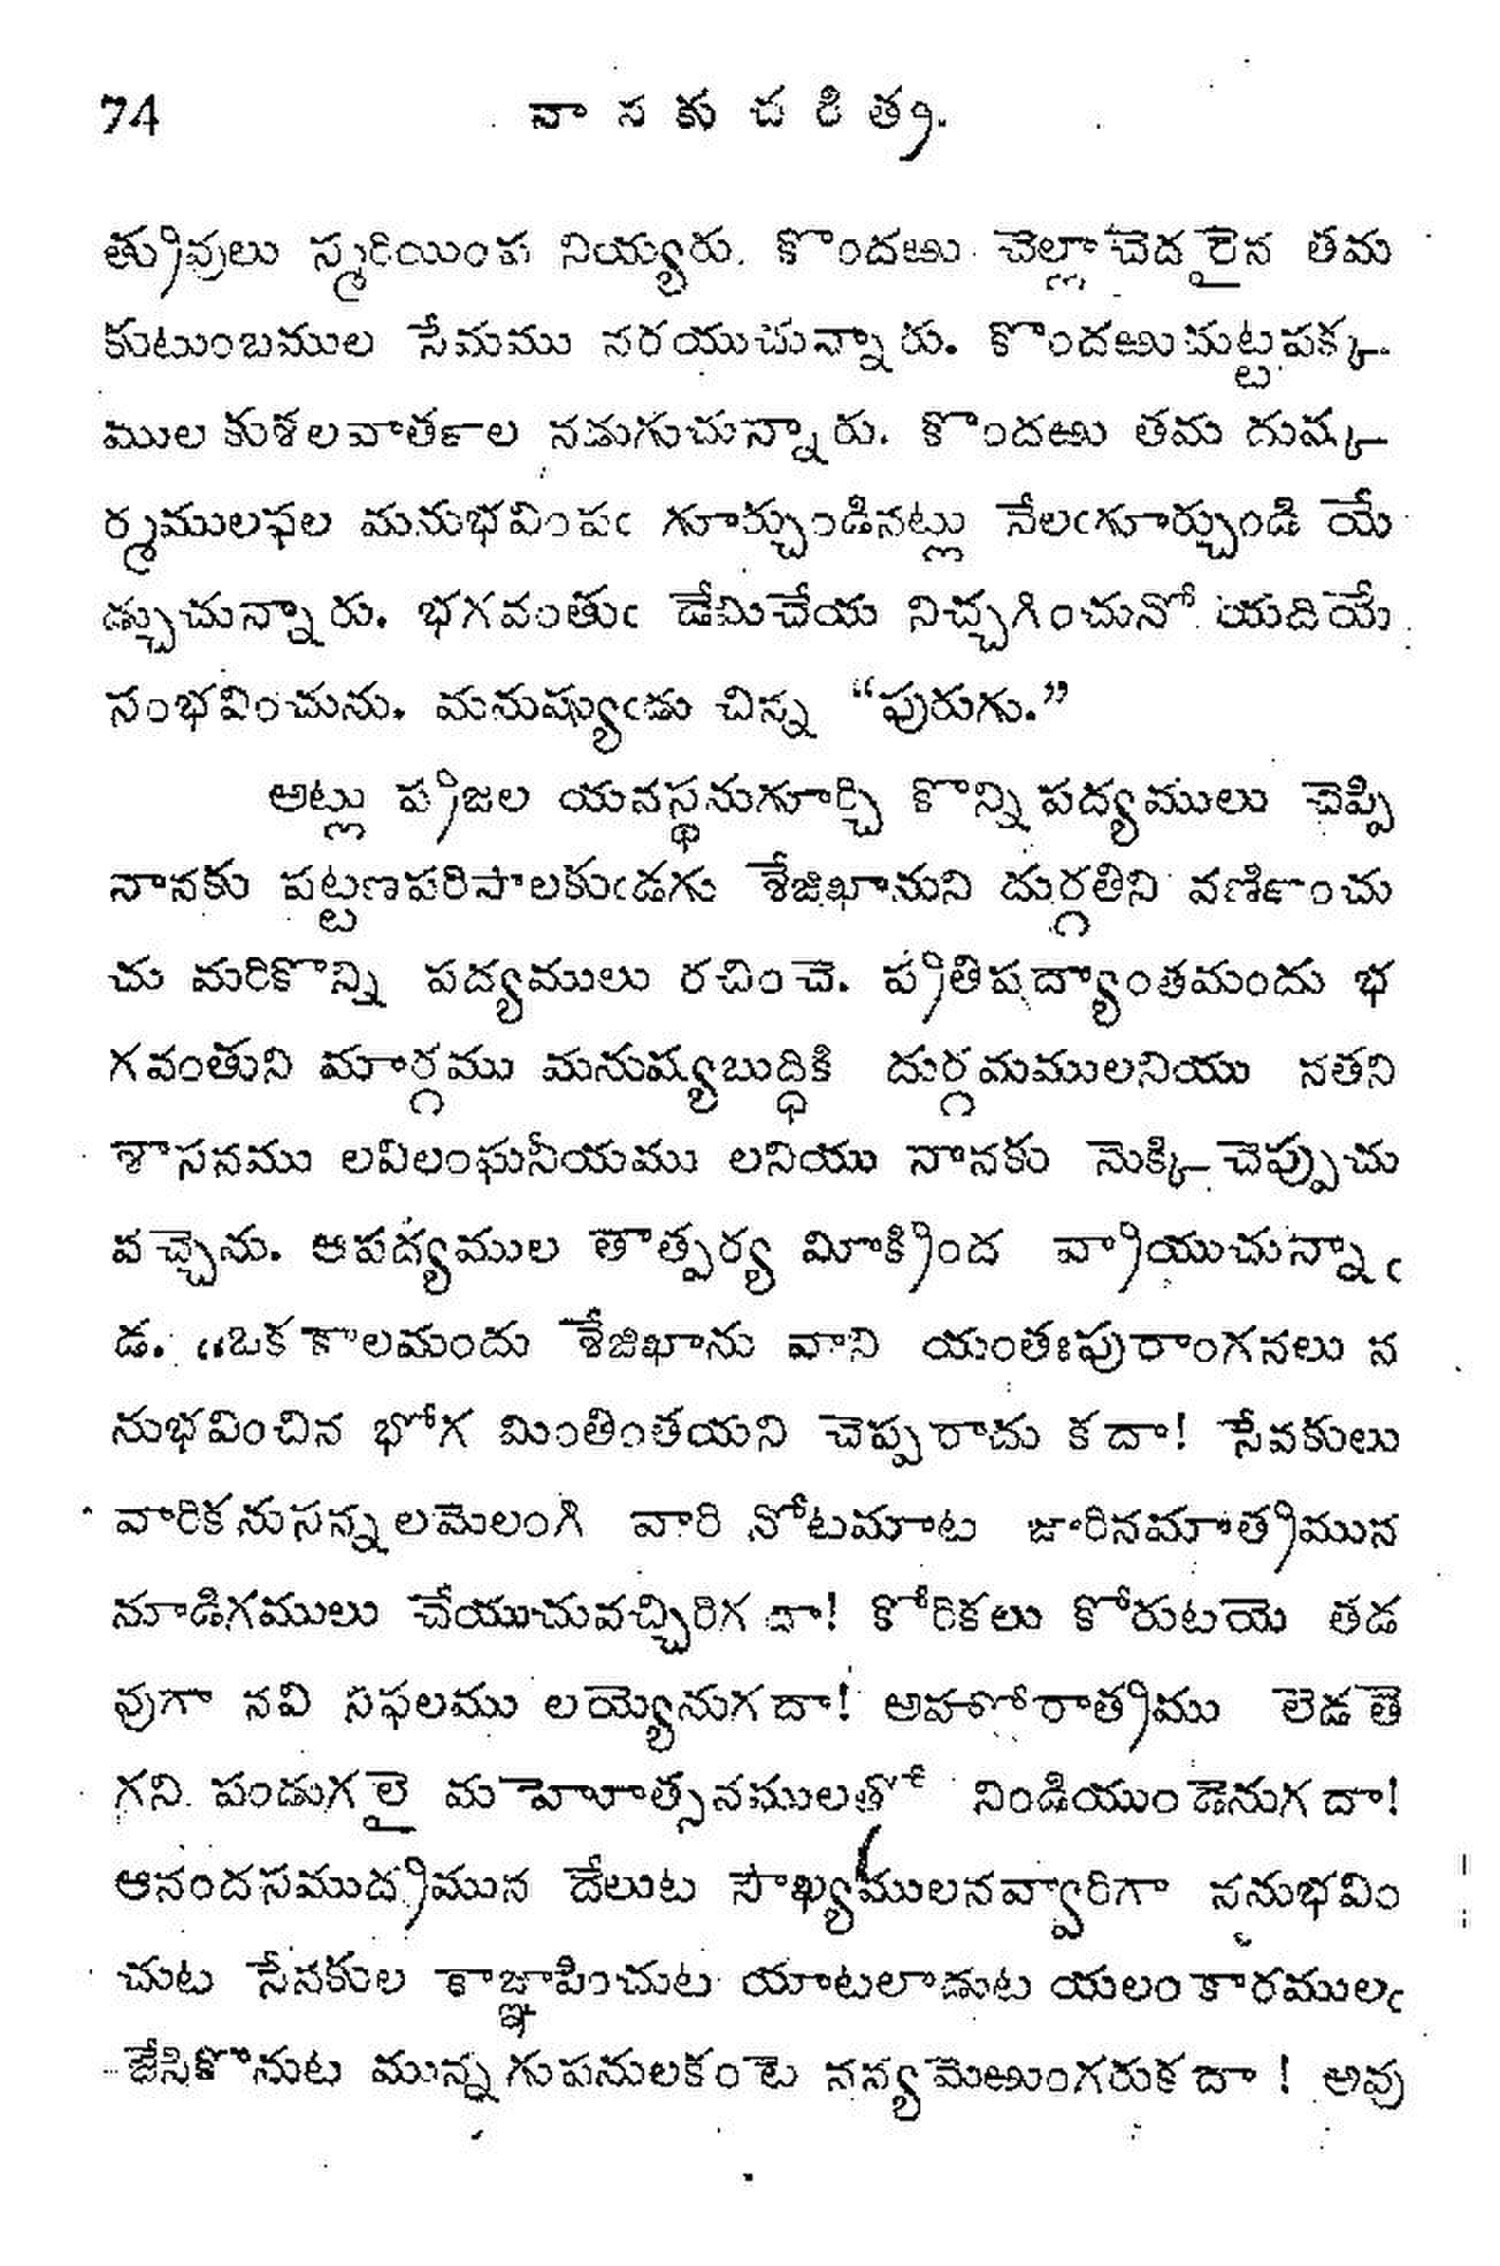త్రువులు స్మరియింప నియ్యరు. కొందఱు చెల్లాచెదరైన తమ కుటుంబముల సేమము నరయుచున్నారు. కొందఱుచుట్టపక్కముల కుశలవాతన్‌ల నడుగుచున్నారు. కొందఱు తమ దుష్కర్మములఫల మనుభవింప గూర్చుండినట్లు నేలగూర్చుండి యేడ్చుచున్నారు. భగవంతు డేమిచేయ నిచ్చగించునో యదియే సంభవించును. మనుష్యుడు చిన్న "పురుగు."

అట్లు ప్రజల యవస్థనుగూర్చి కొన్నిపద్యములు చెప్పి నానకు పట్టణపరిపాలకుడగు శేజిఖానుని దుర్గతిని వణిన్ంచుచు మరికొన్నిపద్యములు రచించె. ప్రతిపద్యాంతమందు భగవంతుని మార్గము మనుష్యబుద్ధికి దుర్గమములనియు నతని శాసనము లవిలంఘనీయము లనియు నానకు నొక్కిచెప్పుచు వచ్చెను. ఆపద్యముల తాత్పర్య మీక్రింద వ్రాయుచున్నాడ. "ఒక కాలమందు శేజిఖాను వాని యంత:పురాంగనలు ననుభవించిన భోగ మింతింతయని చెప్పరాదు కదా! సేవకులు వారికనుసన్నలమెలంగి వారి నోటమాట జారినమాత్రమున నూడిగములు చేయుచువచ్చిరిగదా! కోరికలు కోరుటయె తడవుగా నవి నిఫలము లయ్యెనుగదా! అహోరాత్రము లెడతెగని పండుగలై మహోత్సవములతో నిండియుండెనుగదా! ఆనందసముద్రమున దేలుట సౌఖ్యములనవ్వారిగా ననుభవించుట సేవకుల కాజ్ఞాపించుట యాటలాడుట యలంకారముల జేసికొనుట మున్నగుపనులకంటె నన్యమెఱుంగరుకదా! అవు